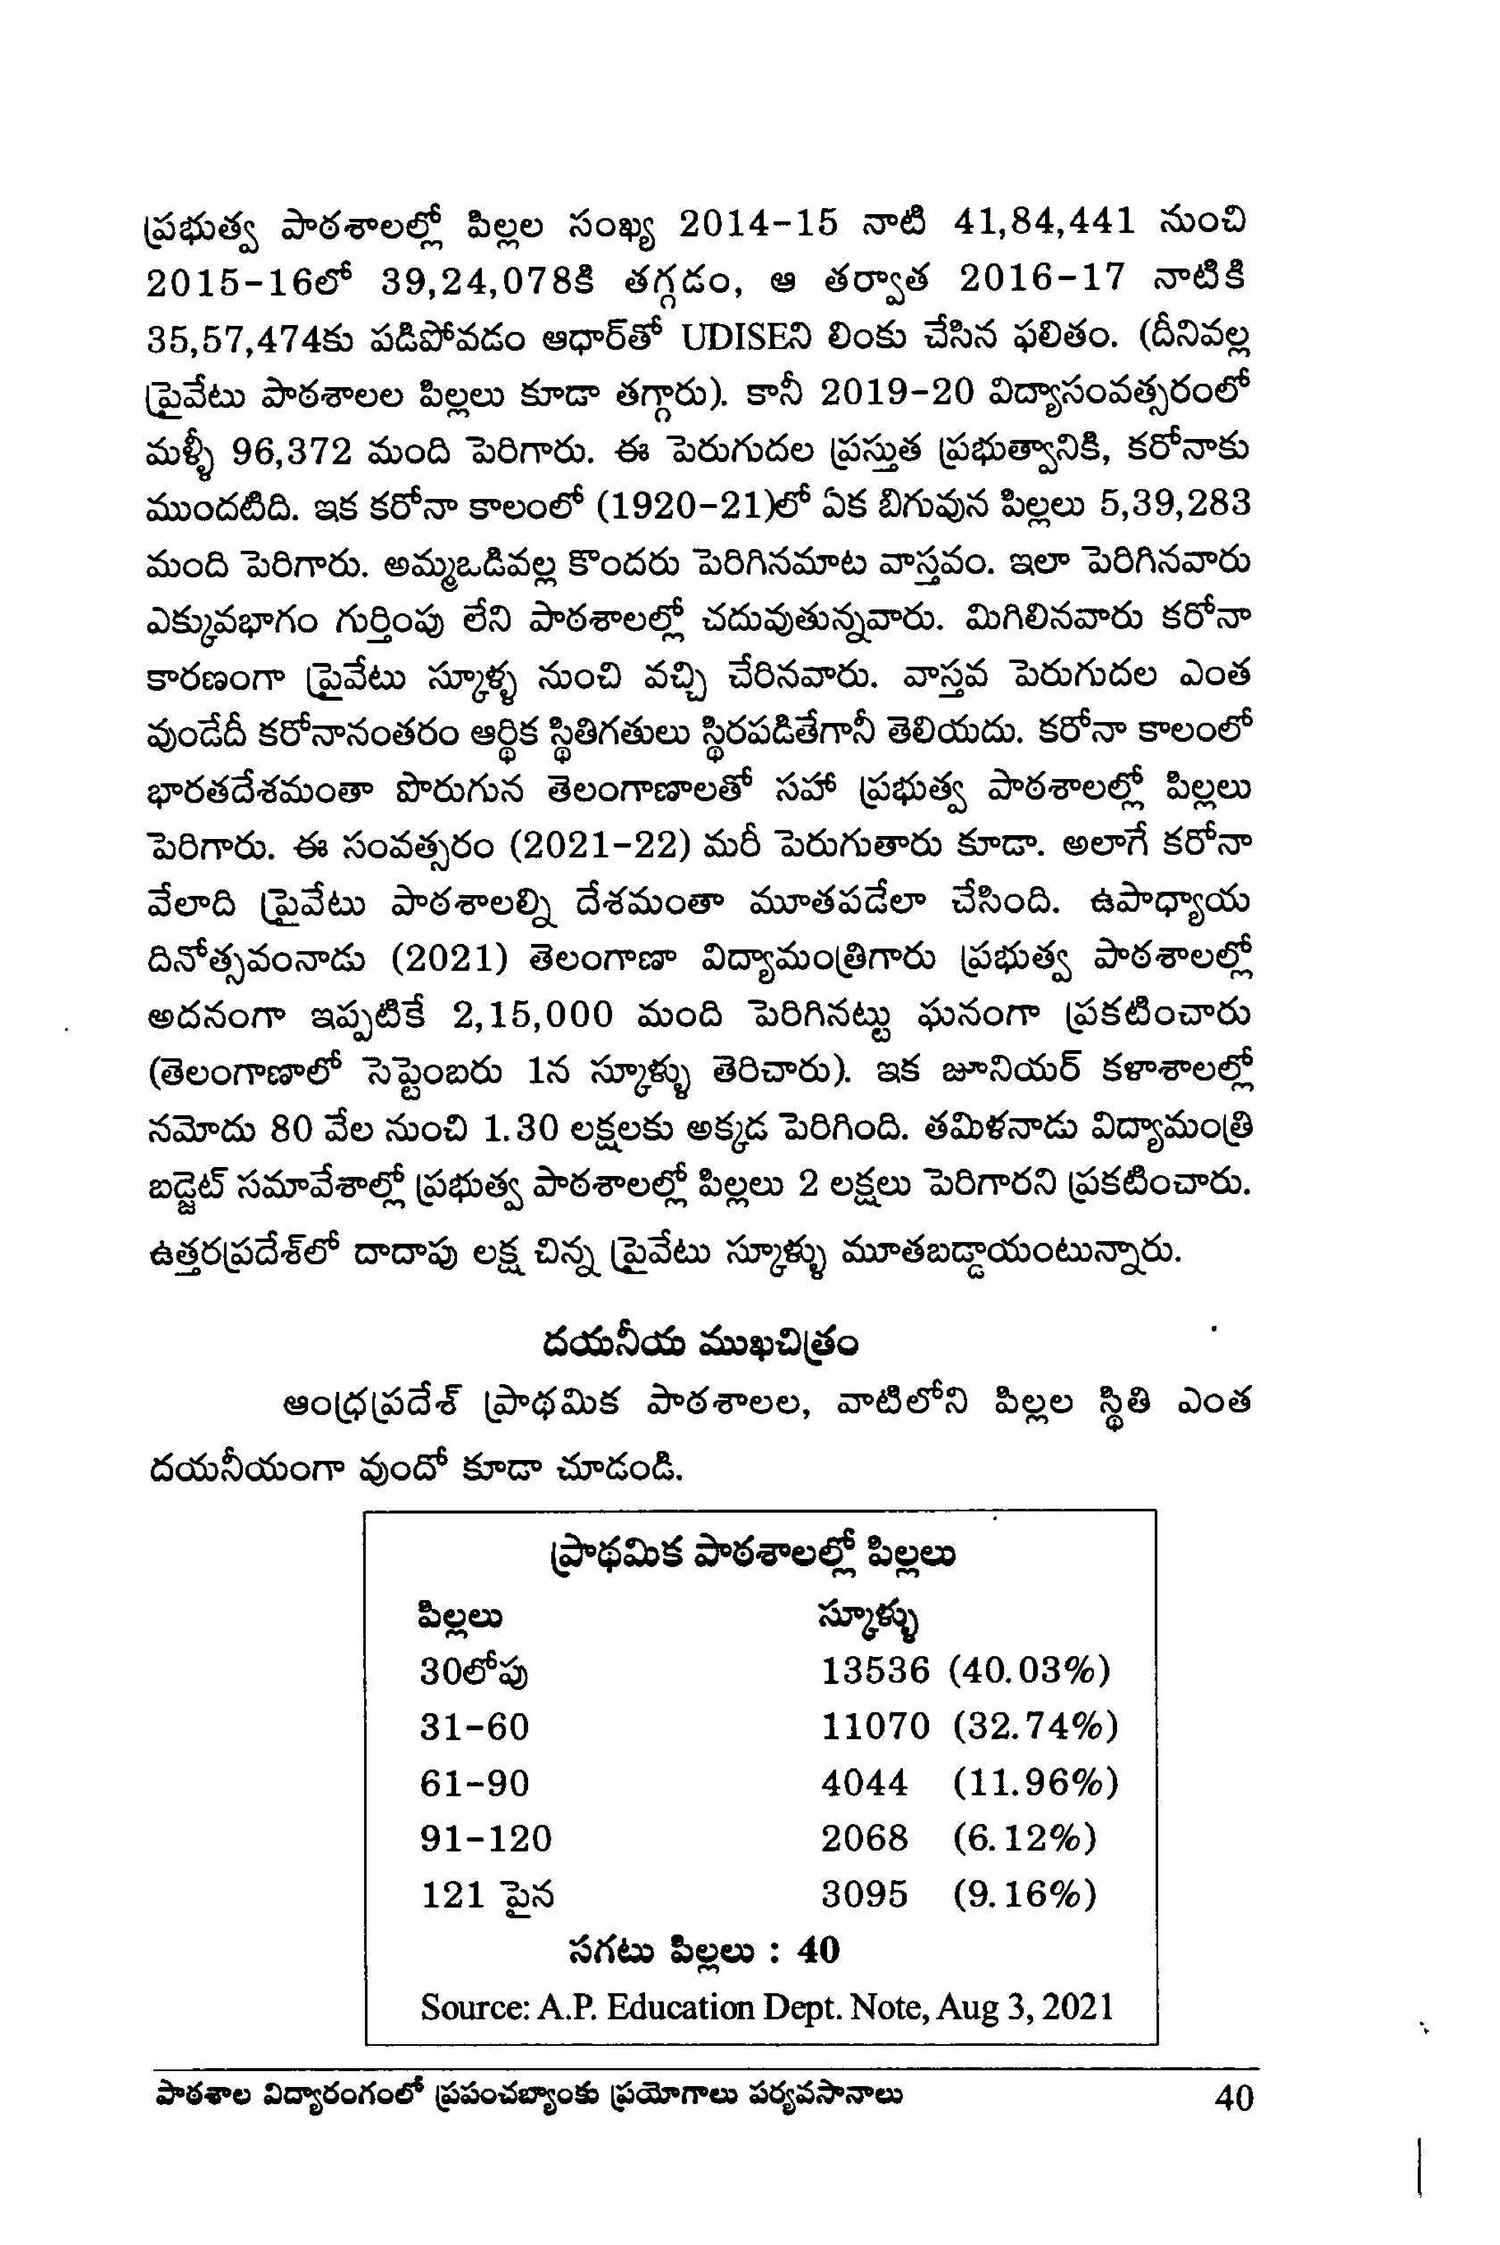ప్రభుత్వ పాఠశాలల్లో పిల్లల సంఖ్య మరియు పరిస్థితి
ప్రభుత్వ పాఠశాలల్లో పిల్లల సంఖ్య 2014-15లో 41,84,441 ఉండగా, 2015-16లో 39,24,078కి తగ్గింది. ఆ తర్వాత 2016-17 నాటికి further తగ్గి 35,57,474కు చేరింది. ఈ తగ్గుదల ఆధారంగా UDISE గణాంకాలను విశ్లేషించినప్పుడు, ప్రైవేటు పాఠశాలల పిల్లల సంఖ్య కూడా తగ్గినట్లు కనిపిస్తోంది.

కానీ 2019-20 విద్యాసంవత్సరంలో మళ్లీ 96,372 మంది పిల్లలు ప్రభుత్వ పాఠశాలల్లో చేరారు. ఈ పెరుగుదల ప్రస్తుత ప్రభుత్వానికి ముందు, కరోనా కాలం ప్రారంభానికి ముందు చోటు చేసుకుంది.

కరోనా సమయంలో (2020-21) పిల్లల సంఖ్యలో ఒక్కసారి భారీగా 5,39,283 మంది పెరుగుదల గమనించబడింది. అమ్మఒడి వంటి పథకాలు కొందరికి విద్యాభావాన్ని కలిగించిన వాస్తవమే. అయితే, పెరిగిన పిల్లల ఎక్కువ భాగం గుర్తింపు లేని పాఠశాలల్లో చదువుతున్నవారు కాగా, మిగిలినవారు కరోనా కారణంగా ప్రైవేటు స్కూళ్ల నుంచి ప్రభుత్వ పాఠశాలలకు చేరిన వారు.

వాస్తవ పెరుగుదల ఎంత ఉంటుందో, కరోనానంతరం ఆర్థిక పరిస్థితులు స్థిరపడిన తర్వాతనే స్పష్టమవుతుంది.

కరోనా సమయంలో, దేశవ్యాప్తంగా, పొరుగున ఉన్న తెలంగాణ రాష్ట్రంతో పాటు ఇతర ప్రాంతాలలో ప్రభుత్వ పాఠశాలల్లో పిల్లల సంఖ్య పెరిగింది. ఈ 2021-22 విద్యాసంవత్సరంలో మరింత పెరుగుదల వస్తుందని అంచనా.

కరోనా కారణంగా వేలాది ప్రైవేటు పాఠశాలలు దేశవ్యాప్తంగా మూతపడిపోతున్నాయి. ఉపాధ్యాయ దినోత్సవం సందర్భంగా (2021) తెలంగాణ విద్యామంత్రిగారు ప్రభుత్వం అధికారికంగా ప్రకటించిన ప్రకారం, ప్రభుత్వ పాఠశాలల్లో ఇప్పటికే అదనంగా 2,15,000 మంది విద్యార్థులు చేరారు (తెలంగాణాలో సెప్టెంబర్ 1న స్కూల్లు తిరిగి తెరిచారు). జూనియర్ కళాశాలల్లో కూడా రిజిస్ట్రేషన్ 80 వేల నుండి 1.30 లక్షల వరకు పెరిగింది.

అలాగే, తమిళనాడు విద్యామంత్రి బడ్జెట్ సమావేశాల్లో ప్రభుత్వ పాఠశాలల్లో పిల్లల సంఖ్య 2 లక్షలు పెరిగిందని ప్రకటించారు. ఉత్తరప్రదేశ్‌లో దాదాపు లక్ష చిన్న ప్రైవేటు స్కూళ్ళు మూతబడ్డాయని కూడా సమాచారం ఉంది.

దయనీయ ముఖచిత్రం
ఆంధ్రప్రదేశ్ ప్రాథమిక పాఠశాలల్లో పిల్లల స్థితి ఎంత దయనీయంగా ఉందో క్రింద గణాంకాలతో చూడండి:

పిల్లల సంఖ్య (సగటు పిల్లలు: 40)	స్కూల్‌లు	శాతం (%)
30 లోపు పిల్లలు	13,536	40.03%
31-60 పిల్లలు	11,070	32.74%
61-90 పిల్లలు	4,044	11.96%
91-120 పిల్లలు	2,068	6.12%
121 పైగా పిల్లలు	3,095	9.16%

Source: A.P. Education Dept. Note, Aug 3, 2021